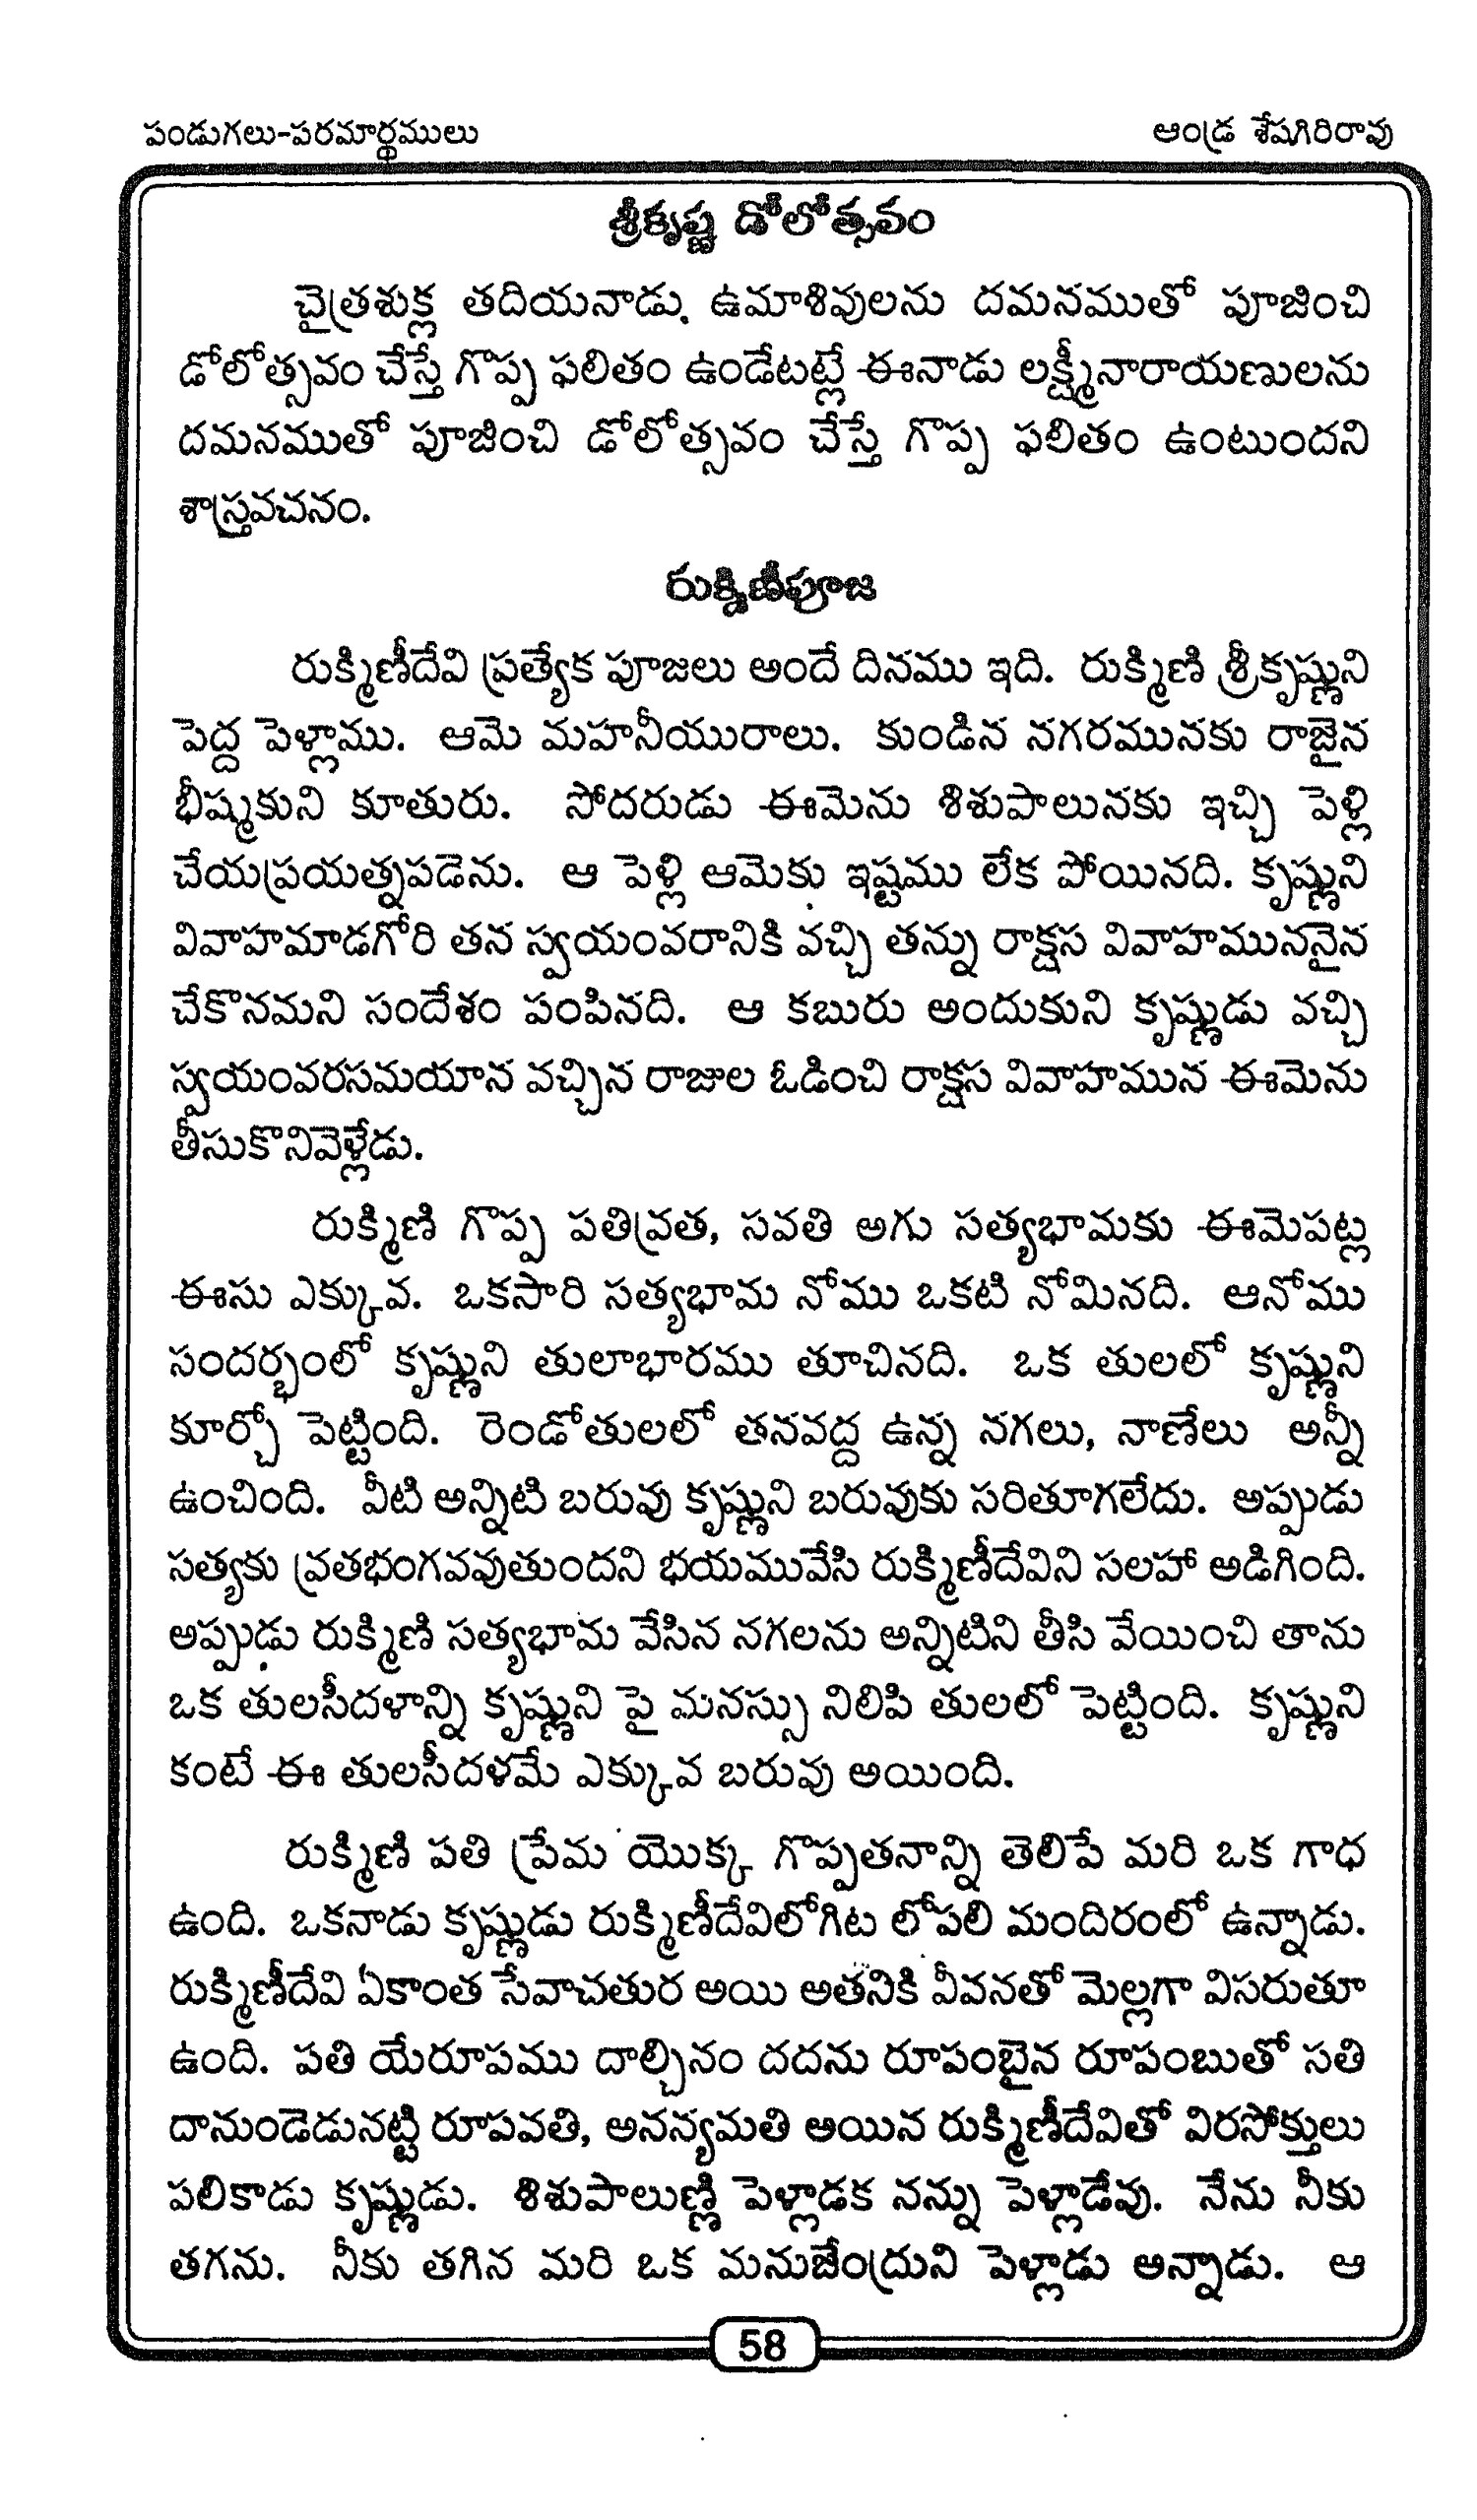శ్రీకృష్ణ డోలోత్సవం

 చైత్రశుక్ల తదియనాడు, ఉమాశివులను దమనముతో పూజించి డోలోత్సవం చేస్తే గొప్పఫలితం ఉండేటట్లే ఈనాడు లక్ష్మీనారాయణులను దమనముతో పూజించి డోలోత్సవం చేస్తే గొప్ప ఫలితం ఉంటుందని శాస్తవచనం.

 రుక్మిణీపూజ

 రుక్మిణీదేవిని ప్రత్యేకపూజలు అందే దినము ఇది. రుక్మిణి శ్రీకృష్ణుని పెద్ద పెళ్లాము. ఆమె మహనీయురాలు. కుండిన నగరమునకు రాజైన భీష్మకుని కూతురు. సోదరుడు ఈమెను శిశుపాలునకు ఇచ్చి పెళ్లి చేయప్రయత్నపడెను. ఆ పెళ్లి ఆమెకు ఇష్టము లేక పోయినది. కృష్ణుని వివాహమాడాగోరి తన స్వయంవరానికి వచ్చి తన్ను రాక్షస వివాహముననైనను చేసుకొనమని సందేశం పంపినది. ఆ కబురు అందుకుని కృష్ణుడు వచ్చి స్వయంవరసమయాన వచ్చిన రాజుల ఓడించి రాక్షస వివాహమున ఈమెను తీసుకొనివెళ్లేడు.

 రుక్మిణి గొప్ప పతివ్రత, సవతి అగు సత్యభామకు ఈమెవల్ల ఈసు ఎక్కువ. ఒకసారి సత్యభామ నోము ఒకటి నోమినది. ఆనోము సందర్భంలో కృశ్హ్ణుని తులాబారము తూచినది. ఒక తులలో కృష్ణుని కూర్చోపెట్టింది. రెండోతులలో తనవద్ద ఉన్న నగలు, నాణేలు అన్నీ ఉంచింది. వీటి అన్నిటి బరువు కృష్ణుని బరువుకు సరితూగలేదు. అప్పుడు సత్యకు వ్రతభంగవవుతుందని భయమువేసి రుక్మిణీదేవిని సలహా అడిగింది. అప్పుడు రుక్మిణె సత్యభామ వేసిన నగలను అన్నిటిని తీసి వేయించి తాను ఒకతులసీదళాన్ని కృష్ణుని పై మనస్సు నిలిపి తులలో పెట్టింది. కృష్ణుని కంటే ఈ తులసీదళమే ఎక్కువ బరువు అయింది.

 రుక్మిణీ పతి ప్రేమ యొక్క గొప్పతనాన్ని తెలిపే మరి ఒక గాధ ఉంది. ఒకనాదు కృష్ణుడు రుక్మిణీదేవిలోగిట లోపలి మందిరంలో ఉన్నాడు. రుక్మిణీదేవి ఏకాంత సేవాచతుర అయి అతనికి వీవనతో మెల్లగా విసరుతూ ఉంది. పతి యేరూపము దాల్చినం ద్దమ రూపంబైన రూపంబుతో సతి దాసుండెడునట్టి రూపవతి, అనవ్యమతి అయిన రుక్మిణీదేవితో విరసోక్తులు పలికాదు కృష్ణుడు. శిశుపాలుణ్ణి పెళ్లాడక నన్ను పెళ్లాడేవు. నేను నీకు తగను. నీకు తగిన మరి ఒక మనుజేంద్రుని పెళ్లాడు అన్నాడు. ఆ